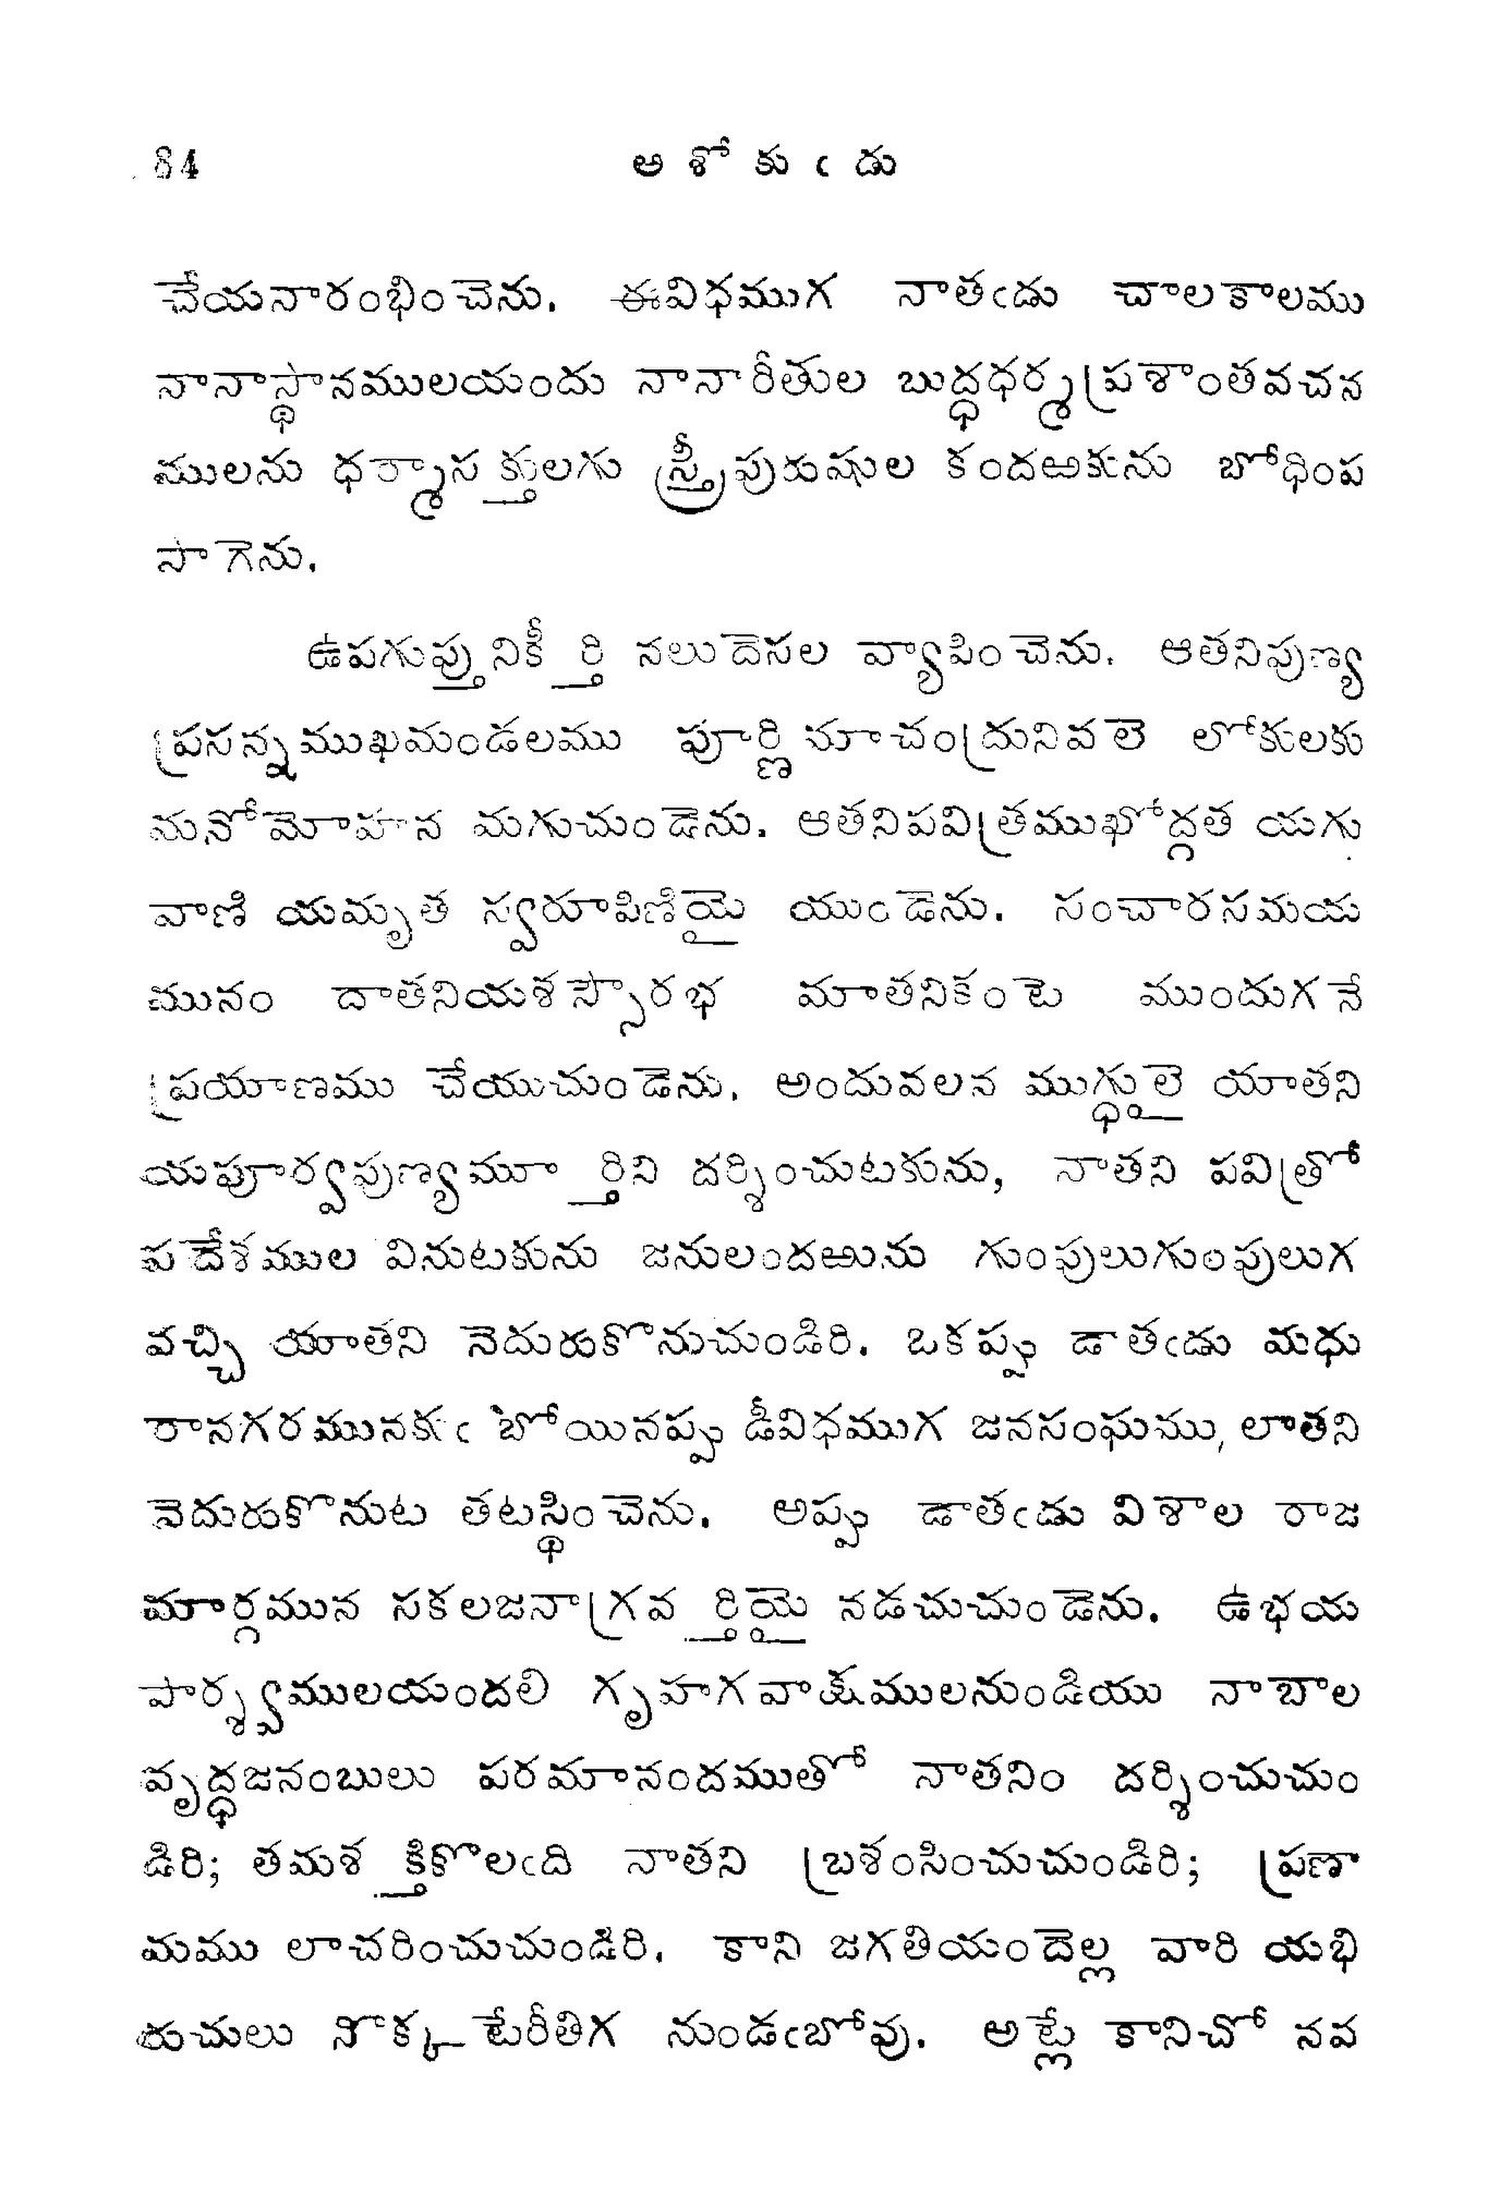చేయనారంభించెను. ఈవిధముగ నాతఁడు చాల కాలము నానా స్థానములయందు నానా రీతుల బుద్ధధర్మ ప్రశాంతవచనములను ధర్మాసక్తులగు స్త్రీ పురుషుల కందఱకును బోధింప
సాగెను.

ఉపగుప్తునికీర్తి నలుదెసల వ్యాపించెను. అతనిపుణ్యప్రసన్న ముఖమండలము పూర్ణిమా చంద్రునివలె లోకులకు మనో మోహన మగుచుండెను. ఆతనిపవిత్రముఖోద్గత యగు వాణి యమృత స్వరూపిణియై యుఁ డెను. సంచార సమయమునం దాతనియశ స్సౌరభ మాతనికంటే ముందుగానే ప్రయాణము చేయుచుండెను. అందువలన ముగ్ధులై యాతని
యపూర్వపుణ్యమూర్తిని దర్శించుటకును, నాతని పవిత్రోపదేశముల వినుటకును జనులందఱును గుంపులు గుంపులుగ వచ్చి యాతని నెదురుకొనుచుండిరి. ఒకప్పు డాతఁడు మధురానగరమునకుఁ బోయినప్పు డీవిధముగ జనసంఘము, లాతని వెదురుకొనుట తటస్థించెను. అప్పు డాతఁడు విశాల రాజమార్గమున సకలజనాగ్రవర్తియై నడచుచుండెను. ఉభయ పార్శ్వములయందలి గృహగవాక్షములనుండియు నా బాల వృద్ధజనంబులు పరమానందముతో నాతనిం దర్శించుచుండిరి; తమశక్తికొలఁది నాతని బ్రశంసించుచుండిరి; ప్రణామము లాచరించుచుండిరి. కాని జగతియం దెల్ల వారి యభిరుచులు నొక్క టేరీతిగ నుండఁబోవు, అట్లే కానిచో నవ